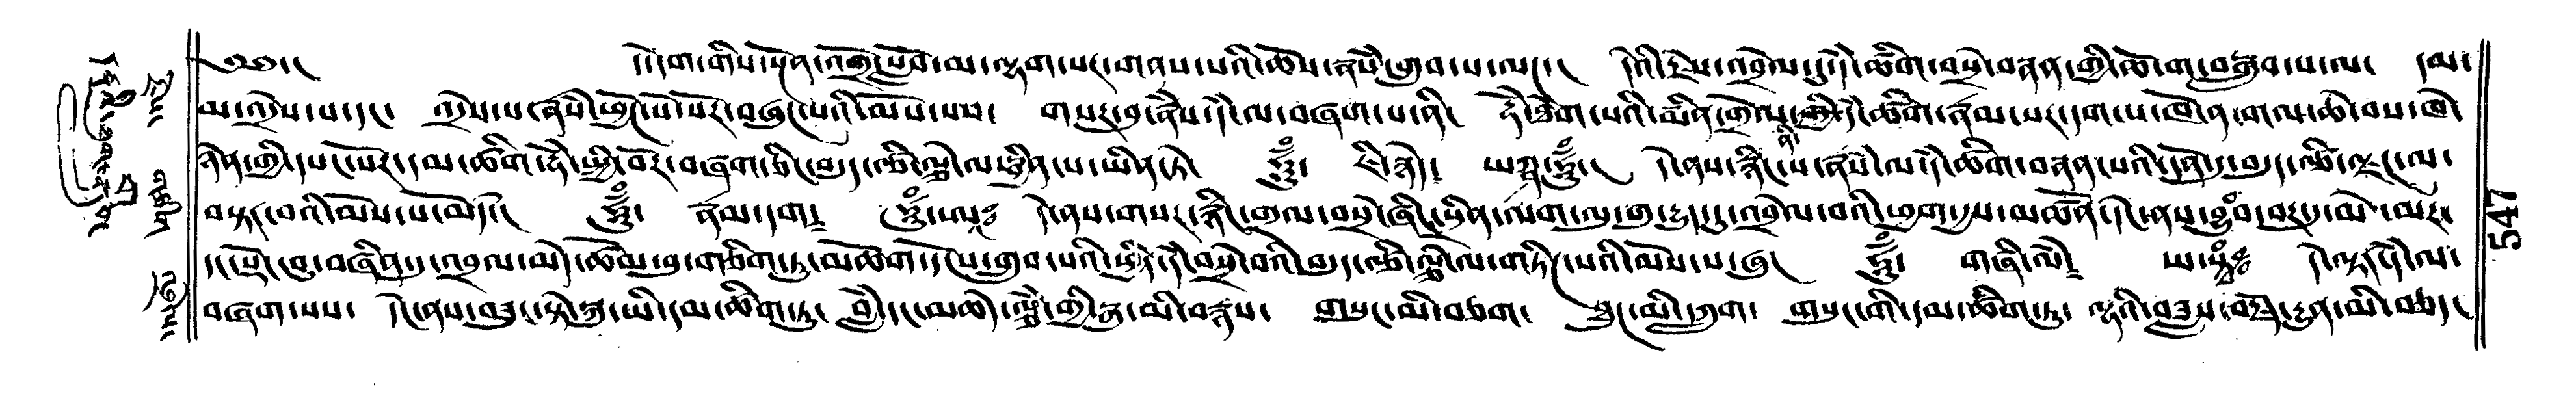༄༅། དེ་དག་གི་སྔོན་འགྲོ་སློབ་མ་ལྷག་པར་གནས་པའི་ཆོས་རྣམས་གྲུབ་པ་ལགས། དེའི་རྗེས་འབྲེལ་དུ་དམ་ཚིག་བསྲེ་བསྣན་གྱི་ཆོ་ག་བསྒྲུབ་པ་ལ། དམ་
མ་འདྲེས་པ་དང་འདྲེས་པ་རྣམས་ཕྱོགས་སོ་སོར་བཞུགས་པའི་མོས་པས་གསར་བུ་རྣམས་དམ་ལ་བཞག་པ་ནི། རྡོ་རྗེ་ཐེག་པའི་སྨིན་གྲོལ་ནི་དམ་ཚིག་རྣམ་པར་དག་པ་ཁོ་ན་གལ་ཆེ་བས་ཁེ་
ཉེན་གྱི་དཔང་པོར་དམ་ཚིག་རྡོ་རྗེ་སྤྱི་བོར་བཞག་ཅིང་བདུད་རྩི་ལྕེ་ལ་སྦྱིན་པ་ཡིན་ཏེ། ཧཱུྃ༔ ཇི་སྙེད༴ ཡཀྵ་ཧཱུྃ་། དེ་ནས་རྙིང་པ་རྣམས་ལ་དམ་ཚིག་བསྣན་པའི་དོན་དུ་བདུད་རྩི་ལྗགས་ལ་
བསྟར་བའི་མོས་པ་མཛོད། ཧཱུྃ༔ རྣམ་དག༴ ཧཱུྃ་ཨཱཿ དེ་ནས་གསར་རྙིང་གྲལ་བསྲེ་ཞིང་སྲིན་ལག་ལུ་གུ་རྒྱུད་དུ་འབྲེལ་བའི་ཕྱག་རྒྱས་མཚོན་དེང་ནས་བྱང་ཆུབ་བར་དུ་མེ་མར་
དང་སྡོང་བུ་བཞིན་དུ་འབྲལ་མེད་ཚོམ་བུ་གཅིག་ཏུ་མཆོག་དངོས་གྲུུབ་པའི་ཕྱིར་དམ་བསྲེ་བའི་བདུད་རྩི་ལྕེ་ལ་གཏིགས་པའི་མོས་པ་ཞུ། ཧཱུྃ༔ གཞི་ལམ༴ ཡ་སྟཾ༔ དེ་ལྟར་དམ་ལ་
བཞག་པས། དེ་ནས་བཟུང་སྟེ་སྐུ་ཡི་དམ་ཚིག་ཏུ་བླ་མ་དང་ཆེད་ལྕམ་གྱི་སྐུ་མི་བརྙས། གསུང་མི་བཅག ཐུགས་མི་དཀྲུག གསུང་གི་དམ་ཚིག་ཏུ་ལྷའི་བཟླས་བརྗོད་རྒྱུན་མི་བཅད།